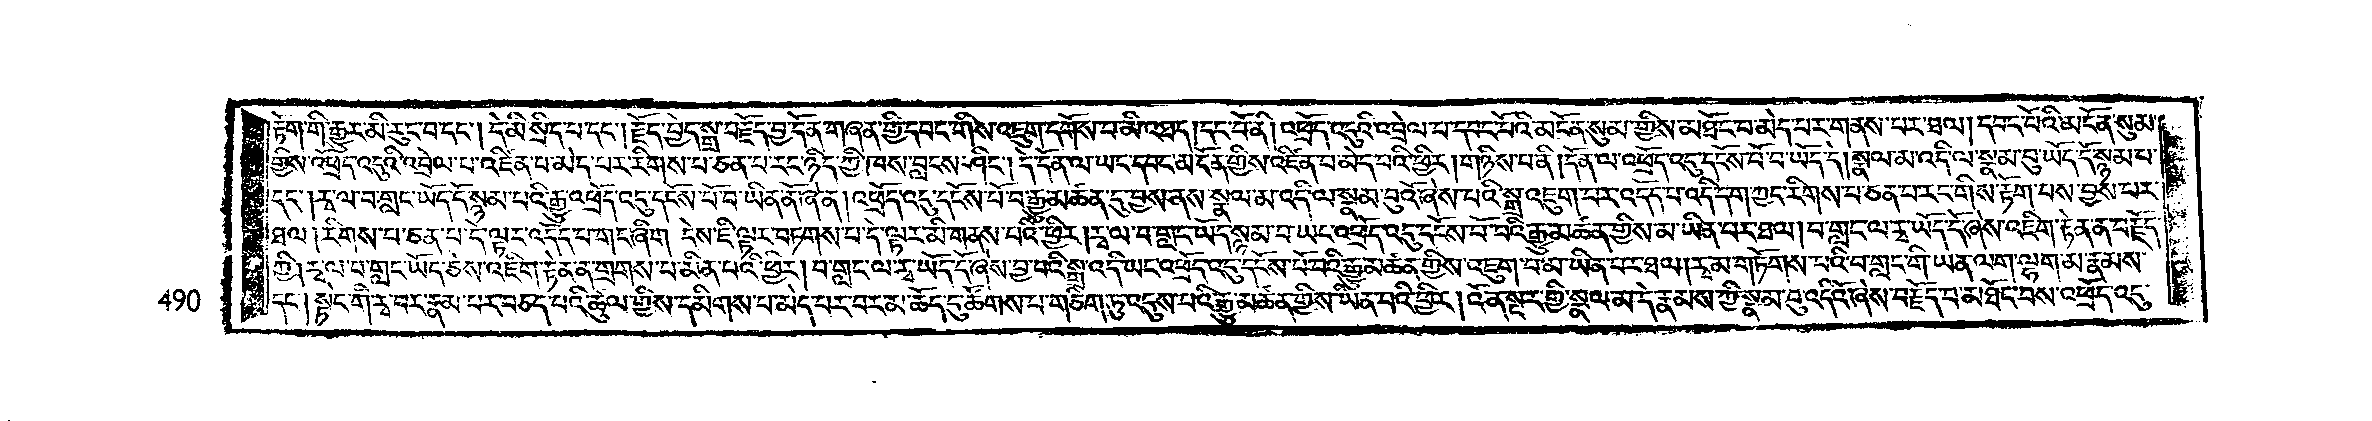རྟོག་གི་རྒྱུར་མི་རུང་བ་དང་། དེ་མི་སྲིད་པ་དང་། རྗོད་བྱེད་སྒྲ་བརྗོད་བྱ་དོན་གཞན་གྱི་དབང་གིས་འཇུག་དགོས་པ་མི་འཐད། དང་པོ་ནི། འཕྲོད་འདུའི་འབྲེལ་པ་དབང་པོའི་མངོན་སུམ་གྱིས་མཐོང་བ་མེད་པར་གནས་པར་ཐལ། དབང་པོའི་མངོན་སུམ་
གྱིས་འཕྲོད་འདུའི་འབྲེལ་པ་འཛིན་པ་མེད་པར་རིགས་པ་ཅན་པ་རང་ཉིད་ཀྱི་ཁས་བླངས་ཤིང་། དེ་དོན་ལ་ཡང་དབང་མངོན་གྱིས་འཛིན་པ་མེད་པའི་ཕྱིར། གཉིས་པ་ནི། དོན་ལ་འཕྲོད་འདུ་དངོས་པོ་བ་ཡོད་དེ། སྣལ་མ་འདི་ལ་སྣམ་བུ་ཡོད་དོ་སྙམ་པ་
དང་། རྭ་ལ་བ་གླང་ཡོད་དོ་སྙམ་པའི་རྒྱུ་འཕྲོད་འདུ་དངོས་པོ་བ་ཡིན་ནོ་ཞེ་ན། འཕྲོད་འདུ་དངོས་པོ་བ་རྒྱུ་མཚན་དུ་བྱས་ནས་སྣལ་མ་འདི་ལ་སྣམ་བུའོ་ཞེས་པའི་སྒྲ་འཇུག་པར་འདོད་པ་འདི་དག་ཀྱང་རིགས་པ་ཅན་པ་རང་གིས་རྟོག་པས་བྱས་པར་
ཐལ། རིགས་པ་ཅན་པ་དེ་ལྟར་འདོད་པ་གང་ཞིག་དེས་ཇི་ལྟར་བཏགས་པ་དེ་ལྟར་མི་གནས་པའི་ཕྱིར། རྭ་ལ་བ་གླང་ཡོད་སྙམ་པ་ཡང་འཕྲོད་འདུ་དངོས་པོ་བའི་རྒྱུ་མཚན་གྱིས་འཇུག་པ་མ་ཡིན་པར་ཐལ། བ་གླང་ལ་རྭ་ཡོད་དོ་ཞེས་འཇིག་རྟེན་ན་བརྗོད་
ཀྱི། རྭ་ལ་པ་གླང་ཡོད་ཅེས་འཇིག་རྟེན་ན་གྲགས་པ་མིན་པའི་ཕྱིར། བ་གླང་ལ་རྭ་ཡོད་དོ་ཞེས་བྱ་བའི་སྒྲ་འདི་ཡང་འཕྲོད་འདུ་དངོས་པོ་བའི་རྒྱུ་མཚན་གྱིས་འཇུག་པ་མ་ཡིན་པར་ཐལ། རྭ་མ་གཏོགས་པའི་བ་གླང་གི་ཡན་ལག་ལྷག་མ་རྣམས་
དང་། སྟེང་གི་རྭ་བར་རྣམ་པར་བཅད་པའི་ཚུལ་གྱིས་དམིགས་པ་མེད་པར་བར་མ་ཆོད་དུ་ཚོགས་པ་གཅིག་ཏུ་འདུས་པའི་རྒྱུ་མཚན་གྱིས་ཡིན་པའི་ཕྱིར། འོ་ན་སྔར་གྱི་སྣལ་མ་དེ་རྣམས་ཀྱི་སྣམ་བུ་འདིའོ་ཞེས་བརྗོད་པ་མཐོང་བས་འཕྲོད་འདུ་